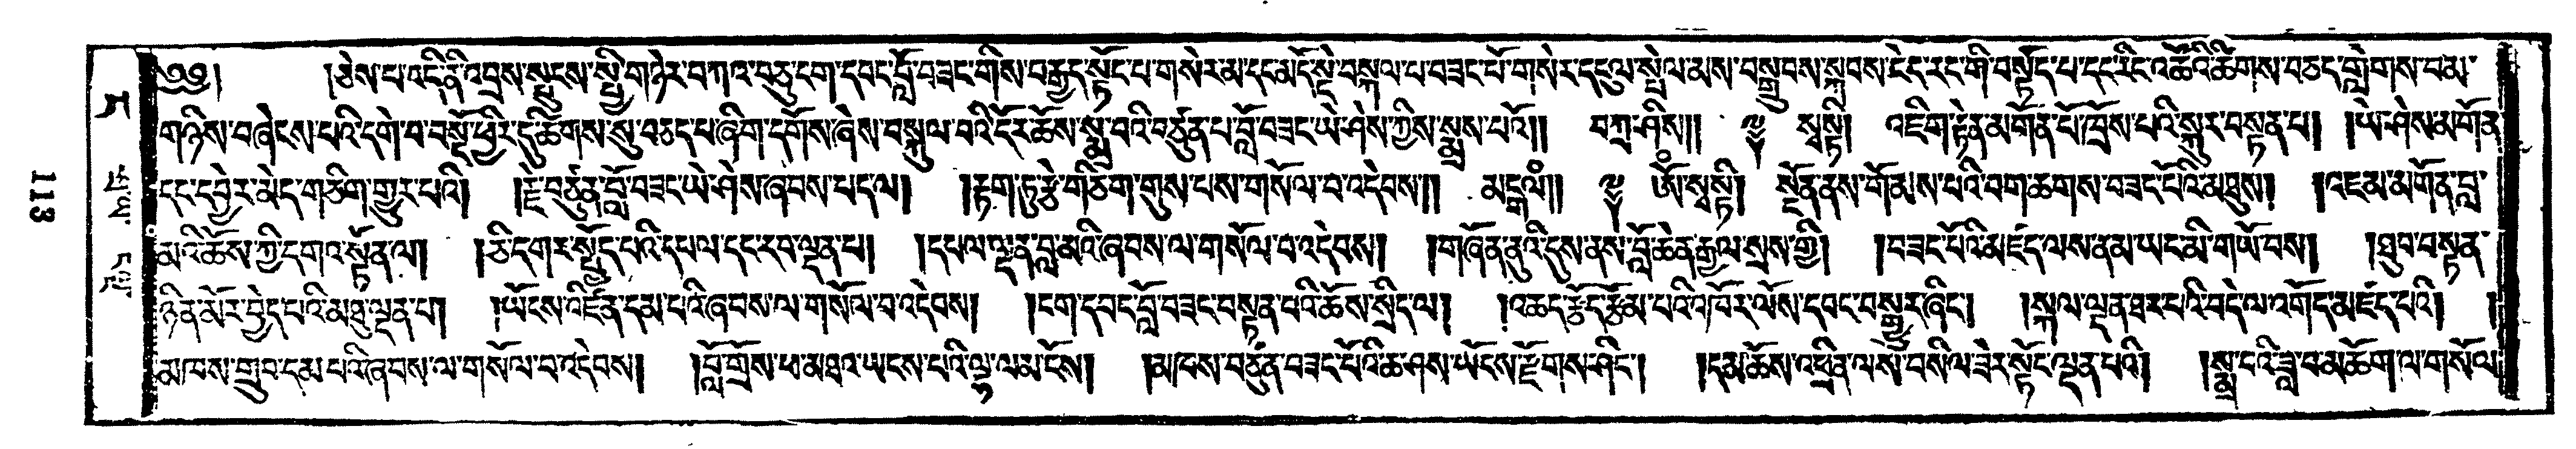༄༅། །ཅེས་པ་འདི་ནི་འབྲས་སྤུངས་སྤྱི་གཉེར་བཀའ་བཅུ་ངག་དབང་བློ་བཟང་གིས་བརྒྱད་སྟོང་པ་གསེར་མ་དང་མདོ་སྡེ་བསྐལ་པ་བཟང་པོ་གསེར་དངུལ་སྤེལ་མས་བསྒྲུབས་སྐབས་ངེད་རང་གི་བསྟོད་པ་དང་རིང་འཚོའི་ཚིགས་བཅད་གླེགས་བམ་
གཉིས་བཞེངས་པའི་དགེ་བ་བསྔོ་ཕྱིར་དུ་ཚིགས་སུ་བཅད་པ་ཞིག་དགོས་ཞེས་བསྐུལ་བའི་དོར་ཆོས་སྨྲ་བའི་བཙུན་པ་བློ་བཟང་ཡེ་ཤེས་ཀྱིས་སྨྲས་པའོ།། བཀྲ་ཤིས།། ༈ སྭསྟི། འཇིག་རྟེན་མགོན་པོ་ཁྲོས་པའི་སྐུར་བསྟན་པ། །ཡེ་ཤེས་མགོན་
དང་དབྱེར་མེད་གཅིག་གྱུར་པའི། །རྗེ་བཙུན་བློ་བཟང་ཡེ་ཤེས་ཞབས་པད་ལ། །རྟག་ཏུ་རྩེ་གཅིག་གུས་པས་གསོལ་བ་འདེབས།། མངྒལཾ།། ༈ ཨོཾ་སྭསྟི། སྔོན་ནས་གོམས་པའི་བག་ཆགས་བཟང་པོའི་མཐུས། །འཇམ་མགོན་བླ་
མའི་ཆོས་ཀྱི་དགའ་སྟོན་ལ། །ཅི་དགར་སྤྱོད་པའི་དཔལ་དང་རབ་ལྡན་པ། །དཔལ་ལྡན་བླ་མའི་ཞབས་ལ་གསོལ་བ་འདེབས། །གཞོན་ནུའི་དུས་ནས་བློ་ཆེན་རྒྱལ་སྲས་གྱི། །བཟང་པོའི་མཛད་ལས་ནམ་ཡང་མི་གཡོ་བས། །ཐུབ་བསྟན་
ཉིན་མོར་བྱེད་པའི་མཐུ་ལྡན་པ། །ཡོངས་འཛིན་དམ་པའི་ཞབས་ལ་གསོལ་བ་འདེབས། །ངག་དབང་བློ་བཟང་བསྟན་པའི་ཆོས་སྲིད་ལ། །འཆད་རྩོད་རྩོམ་པའི་འཁོར་ལོས་དབང་བསྒྱུར་ཞིང་། །སྐལ་ལྡན་ཐར་པའི་བདེ་ལ་འགོད་མཛད་པའི། །
མཁས་གྲུབ་དམ་པའི་ཞབས་ལ་གསོལ་བ་འདེབས། །བློ་གྲོས་ཕ་མཐའ་ཡངས་པའི་ལྷ་ལམ་ངོས། །མཁས་བཙུན་བཟང་པོའི་ཆ་ཤས་ཡོངས་རྫོགས་ཤིང་། །དམ་ཆོས་འཕྲིན་ལས་བསིལ་ཟེར་སྟོང་ལྡན་པའི། །སྨྲ་བའི་ཟླ་བ་མཆོག་ལ་གསོལ་